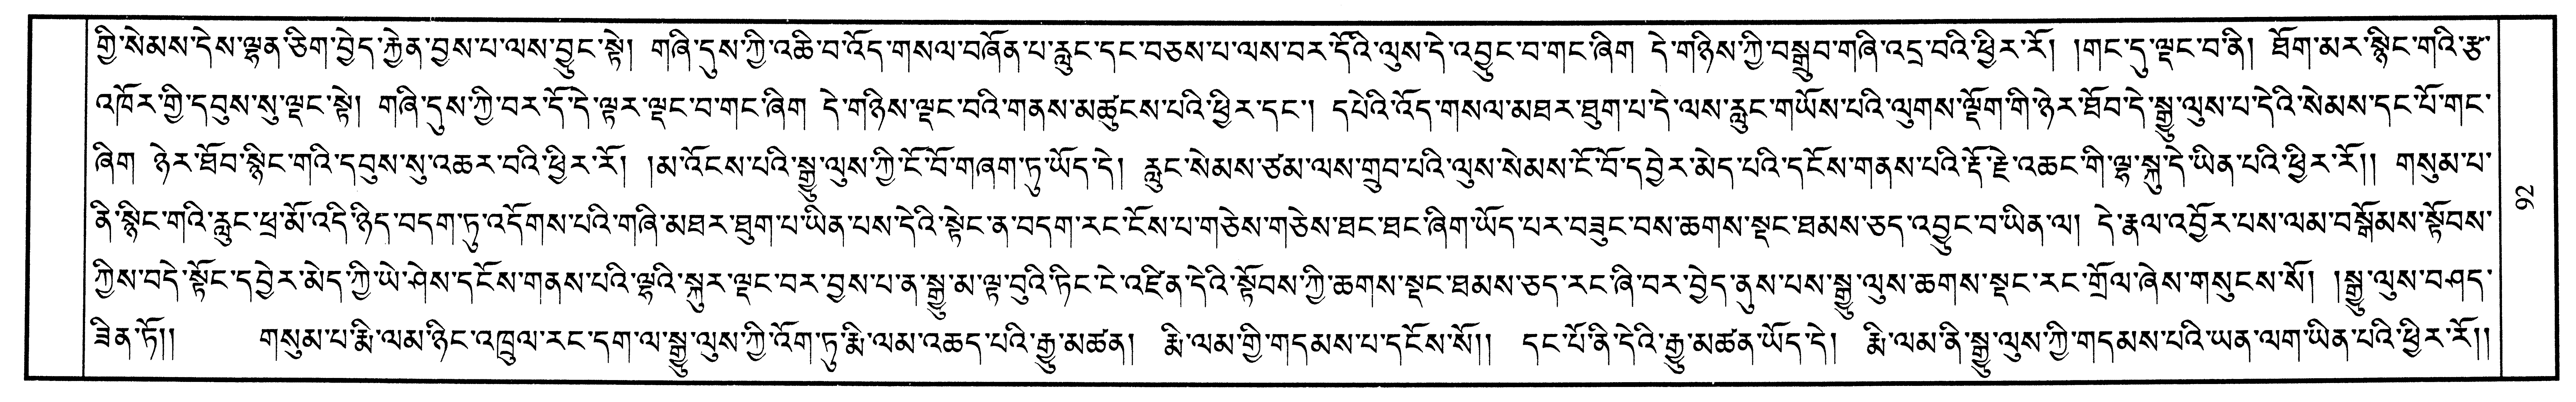གྱི་སེམས་དེས་ལྷན་ཅིག་བྱེད་རྐྱེན་བྱས་པ་ལས་བྱུང་སྟེ། གཞི་དུས་ཀྱི་འཆི་བ་འོད་གསལ་བཞོན་པ་རླུང་དང་བཅས་པ་ལས་བར་དོའི་ལུས་དེ་འབྱུང་བ་གང་ཞིག། དེ་གཉིས་ཀྱི་བསྒྲུབ་གཞི་འདྲ་བའི་ཕྱིར་རོ། །གང་དུ་ལྡང་བ་ནི། ཐོག་མར་སྙིང་གའི་རྩ་
འཁོར་གྱི་དབུས་སུ་ལྡང་སྟེ། གཞི་དུས་ཀྱི་བར་དོ་དེ་ལྟར་ལྡང་བ་གང་ཞིག །དེ་གཉིས་ལྡང་བའི་གནས་མཚུངས་པའི་ཕྱིར་དང་། དཔེའི་འོད་གསལ་མཐར་ཐུག་པ་དེ་ལས་རླུང་གཡོས་པའི་ལུགས་ལྡོག་གི་ཉེར་ཐོབ་དེ་སྒྱུ་ལུས་པ་དེའི་སེམས་དང་པོ་གང་
ཞིག་ཉེར་ཐོབ་སྙིང་གའི་དབུས་སུ་འཆར་བའི་ཕྱིར་རོ། །མ་འོངས་པའི་སྒྱུ་ལུས་ཀྱི་ངོ་བོ་གཞག་ཏུ་ཡོད་དེ། རླུང་སེམས་ཙམ་ལས་གྲུབ་པའི་ལུས་སེམས་ངོ་བོ་དབྱེར་མེད་པའི་དངོས་གནས་པའི་རྡོ་རྗེ་འཆང་གི་ལྷ་སྐུ་དེ་ཡིན་པའི་ཕྱིར་རོ།། གསུམ་པ་
ནི་སྙིང་གའི་རླུང་ཕྲ་མོ་འདི་ཉིད་བདག་ཏུ་འདོགས་པའི་གཞི་མཐར་ཐུག་པ་ཡིན་པས་དེའི་སྟེང་ན་བདག་རང་ངོས་པ་གཅེས་གཅེས་ཐང་ཐང་ཞིག་ཡོད་པར་བཟུང་བས་ཆགས་སྡང་ཐམས་ཅད་འབྱུང་བ་ཡིན་ལ། དེ་རྣལ་འབྱོར་པས་ལམ་བསྒོམས་སྟོབས་
ཀྱིས་བདེ་སྟོང་དབྱེར་མེད་ཀྱི་ཡེ་ཤེས་དངོས་གནས་པའི་ལྷའི་སྐུར་ལྡང་བར་བྱས་པ་ན་སྒྱུ་མ་ལྟ་བུའི་ཏིང་ངེ་འཛིན་གྱི་དེའི་སྟོབས་ཀྱི་ཆགས་སྡང་ཐམས་ཅད་རང་ཞི་བར་བྱེད་ནུས་པས་སྒྱུ་ལུས་ཆགས་སྡང་རང་གྲོལ་ཞེས་གསུངས་སོ། །སྒྱུ་ལུས་བཤད་
ཟིན་ཏོ།། གསུམ་པ་རྨི་ལམ་ཉིང་འཁྲུལ་རང་དག་ལ་སྒྱུ་ལུས་ཀྱི་འོག་ཏུ་རྨི་ལམ་འཆད་པའི་རྒྱུ་མཚན། རྨི་ལམ་གྱི་གདམས་པ་དངོས་སོ།། དང་པོ་ནི་དེའི་རྒྱུ་མཚན་ཡོད་དེ། རྨི་ལམ་ནི་སྒྱུ་ལུས་ཀྱི་གདམས་པའི་ཡན་ལག་ཡིན་པའི་ཕྱིར་རོ།།